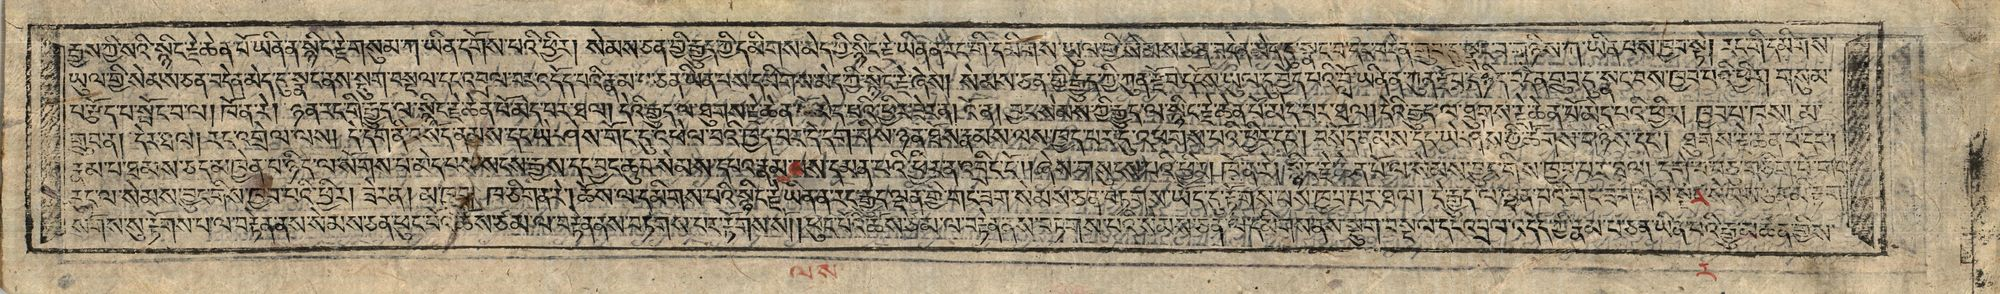རྒྱས་ཀྱི་སའི་སྙིང་རྗེ་ཆེན་པོ་ཡིན་ན་སྙིང་རྗེ་གསུམ་ཀ་ཡིན་དགོས་པའི་ཕྱིར། སེམས་ཅན་གྱི་རྒྱུད་ཀྱི་དམིགས་མེད་ཀྱི་སྙིང་རྗེ་ཡིན་ན་རང་གི་དམིགས་ཡུལ་གྱི་སེམས་ཅན་བདེན་མེད་དུ་སྣང་བ་དང་བདེན་གྲུབ་དུ་སྣང་བ་གཉིས་ཀ་ཡིན་པས་ཁྱབ་སྟེ། རང་གི་དམིགས་
ཡུལ་གྱི་སེམས་ཅན་བདེན་མེད་དུ་སྣང་ནས་སྡུག་བསྔལ་དང་འབྲལ་བར་འདོད་པའི་རྣམ་པ་ཅན་ཡིན་པས་དམིགས་མེད་ཀྱི་སྙིང་རྗེ་ཞེས། སེམས་ཅན་གྱི་རྒྱུད་ཀྱི་ཀུན་རྫོབ་དངོས་ཡུལ་དུ་བྱེད་པའི་བློ་ཡིན་ན་ཀུན་རྫོབ་དེ་ཉིད་བདེན་གྲུབ་དུ་སྣང་བས་ཁྱབ་པའི་ཕྱིར། གསུམ་
པ་རྩོད་པ་སྤོང་བ་ལ། ཁོ་ན་རེ། ཉན་རང་གི་རྒྱུད་ལ་སྙིང་རྗེ་ཆེན་པོ་མེད་པར་ཐལ། དེའི་རྒྱུད་ལ་ཐུགས་རྗེ་ཆེན་པོ་མེད་པའི་ཕྱིར་ཟེར་ན། འོ་ན། བྱང་སེམས་ཀྱི་རྒྱུད་ལ་སྙིང་རྗེ་ཆེན་པོ་མེད་པར་ཐལ། དེའི་རྒྱུད་ལ་ཐུགས་རྗེ་ཆེན་པོ་མེད་པའི་ཕྱིར། ཁྱབ་པ་ཁས། མ་
གྲུབ་ན། དེར་ཐལ། རང་འགྲེལ་ལས། དེ་དག་ནི་བསོད་ནམས་དང་ཡེ་ཤེས་གོང་དུ་འཕེལ་བའི་ཁྱད་པར་དེ་དག་གིས་ཉན་ཐོས་རྣམས་ལས་ཁྱད་པར་དུ་འཕགས་པའི་ཕྱིར་དང་། བསོད་ནམས་དང་ཡེ་ཤེས་ཀྱི་ཚོགས་གཉིས་དང་། ཐུགས་རྗེ་ཆེན་པོ་དང་།
རྣམ་པ་ཐམས་ཅད་མཁྱེན་པ་ཉིད་ལ་སོགས་པ་མེད་པས་སངས་རྒྱས་དང་བྱང་ཆུབ་སེམས་དཔའ་རྣམ་ལས་དམན་པའི་ཕྱིར་ན་འབྲིང་ངོ། །ཞེས་གསུངས་པའི་ཕྱིར། ཁོ་ན་རེ། སྙིང་རྗེ་ཆེན་པོ་ལ་སེམས་བྱུང་གིས་ཁྱབ་པར་ཐལ། དགེ་བ་བཅུ་གཅིག་པོ་གང་
རུང་ལ་སེམས་བྱུང་གིས་ཁྱབ་པའི་ཕྱིར། ཟེར་ན། མ་ཁྱབ། ཁ་ཅིག་ན་རེ། ཆོས་ལ་དམིགས་པའི་སྙིང་རྗེ་ཡིན་ན་རང་རྒྱུད་ལྡན་གྱི་གང་ཟག་སེམས་ཅན་བཏགས་ཡོད་དུ་རྟོགས་པས་ཁྱབ་པར་ཐལ། དེ་རྒྱུད་ལ་ལྡན་པའི་གང་ཟག་གིས་སྔར་སེམས་ཅན་མི་རྟག་
སོགས་སུ་རྟོགས་པ་ལ་བརྟེན་ནས་སེམས་ཅན་ཕུང་པོའི་ཆོས་ཙམ་ལ་བརྟེན་ནས་བཏགས་པར་རྟོགས་སོ། །ཕུང་པོའི་ཆོས་ཙམ་ལ་བརྟེན་ནས་བཏགས་པའི་སེམས་ཅན་ལ་དམིགས་ནས་སྡུག་བསྔལ་དང་འབྲལ་འདོད་ཀྱི་རྣམ་པ་ཅན་ཡིན་པའི་རྒྱུ་མཚན་གྱིས་